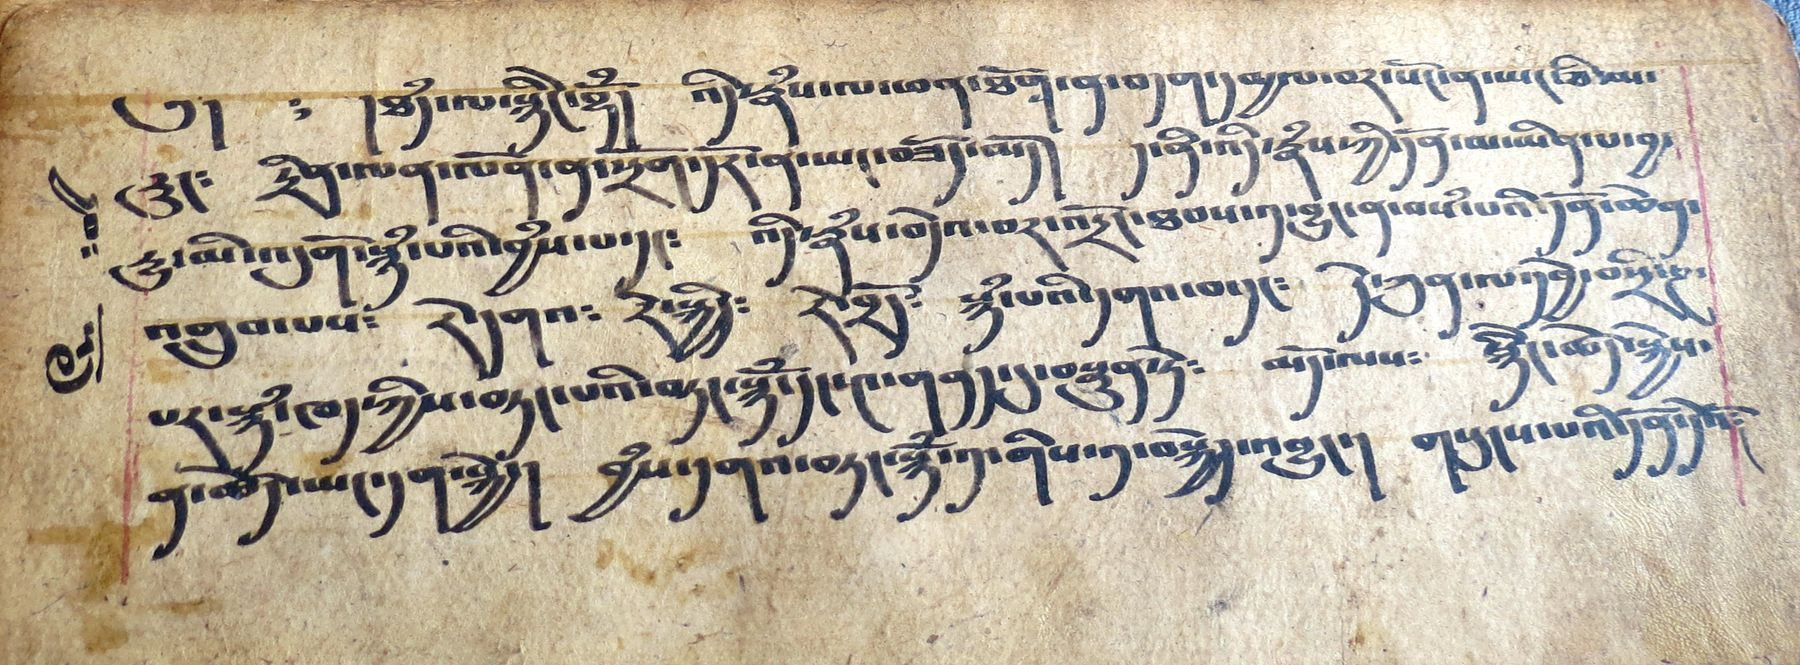ཐམས་ཅད་སྙིང་རྗེ་སྒོམ། འདི་རྣམས་ལ་ཕན་ཅིག་ཐོགས་ན་བདག་དམྱལ་བར་སོང་ན་ཡང་ཅི་མ་
རུང་། དྲིན་ལན་ལོན་ན་སྲོག་དོར་ན་ཡང་བཟོད་མོད། ད་ནི་འདི་རྣམས་ཀྱི་དོན་མ་ཡིན་པ་བྱ་
རྒྱུ་མི་འདུག་གོ་སྙམ་པའི་བྱམས་པ་དང་། འདི་རྣམས་བདེ་བར་འདྲོངས་ཐབས་ཤིག་བྱུང་ན། བསམ་པའི་དོན་ཆེན་
འགྲུབ་པས་རེ་དགའ་རེ་སྐྱིད་རེ་བྲོད་སྙམ་པའི་དགའ་བ་དང་། དེ་ཀུན་ལ་དབྱེ་དབྲི་མེད་
པར་སྙམ་ཁད་ཀྱིས་གཏོང་བའི་བཏང་སྙོམས་དང་བཞི་གནད་དུ་བསྣུན་སྟེ། མདོ་ལས། སྙིང་རྗེ་ཚད་མེད་སྐྱེས་
ན་ཚད་མེད་ཡང་དག་སྟེ། བྱམས་དགའ་བཏང་སྙོམས་གཅིག་གིས་གཅིག་བསྐྱེད་འབྱུང་། གསུངས་པའི་དོན་དེའོ། །